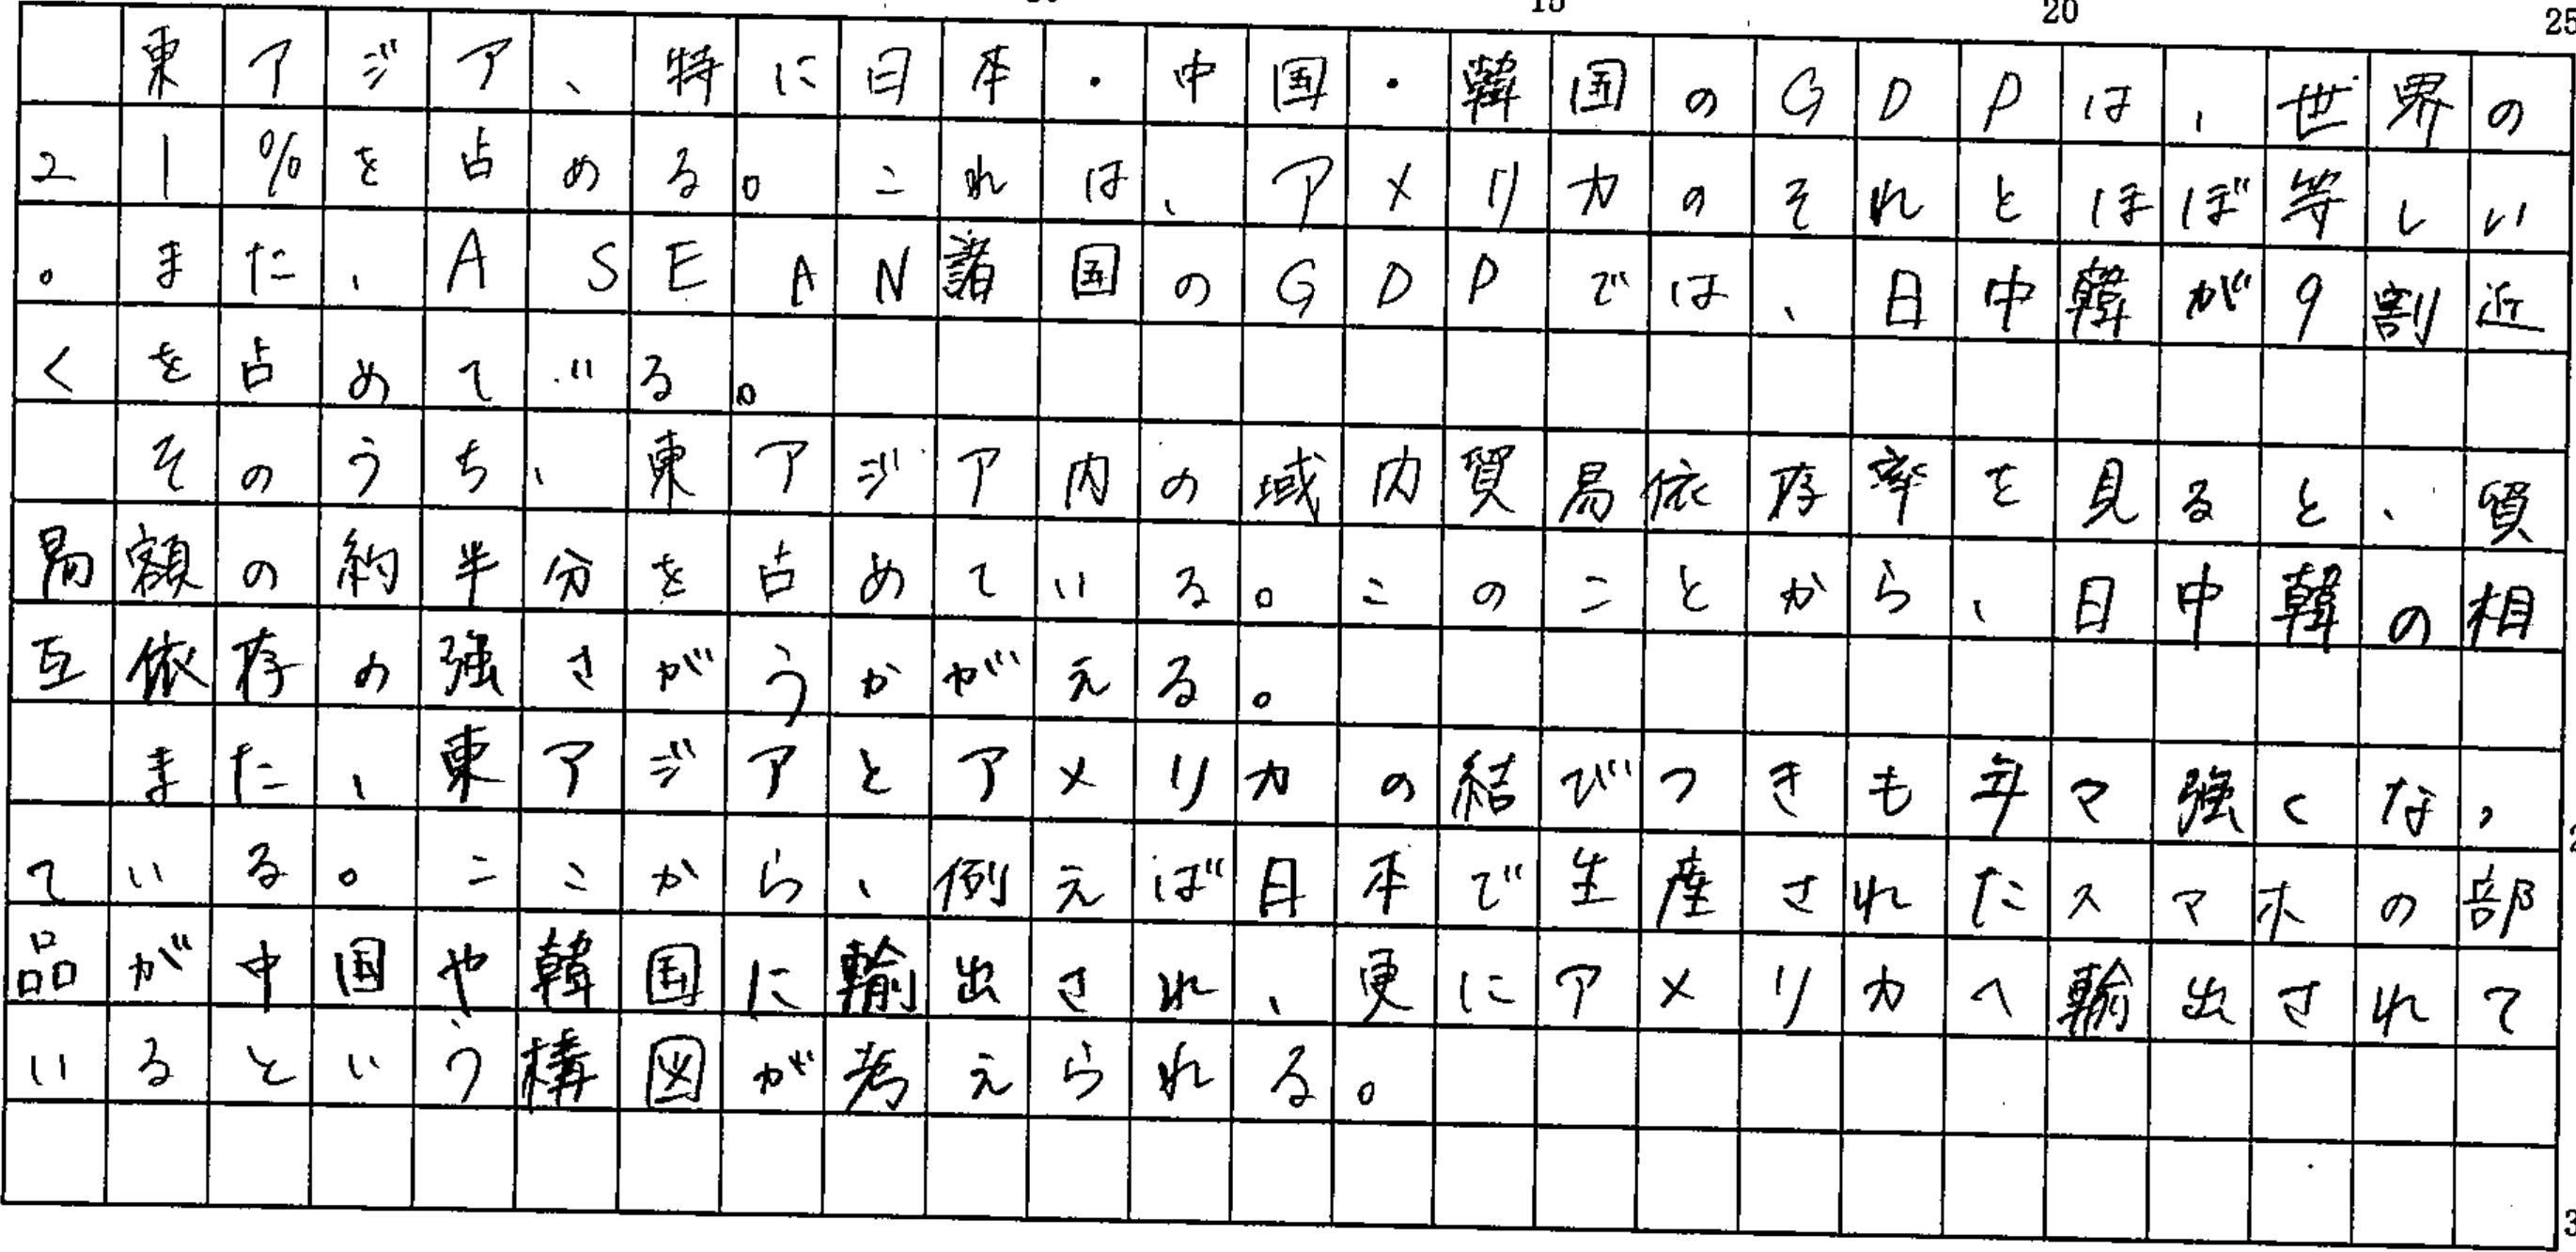　東アジア、特に日本・中国・韓国のＧＤＰは、世界の２１％を占める。これは、アメリカのそれとほぼ等しい。また、ＡＳＥＡＮ諸国のＧＤＰでは、日中韓が９割近くを占めている。
　そのうち、東アジア内の域内貿易依存率を見ると、貿易額の約半分を占めている。このことから、日中韓の相互依存の強さがうかがえる。
　また、東アジアとアメリカの結びつきも年々強くなっている。ここから、例えば日本で生産されたスマホの部品が中国や韓国に輸出され、更にアメリカへ輸出されているという構図が考えられる。
